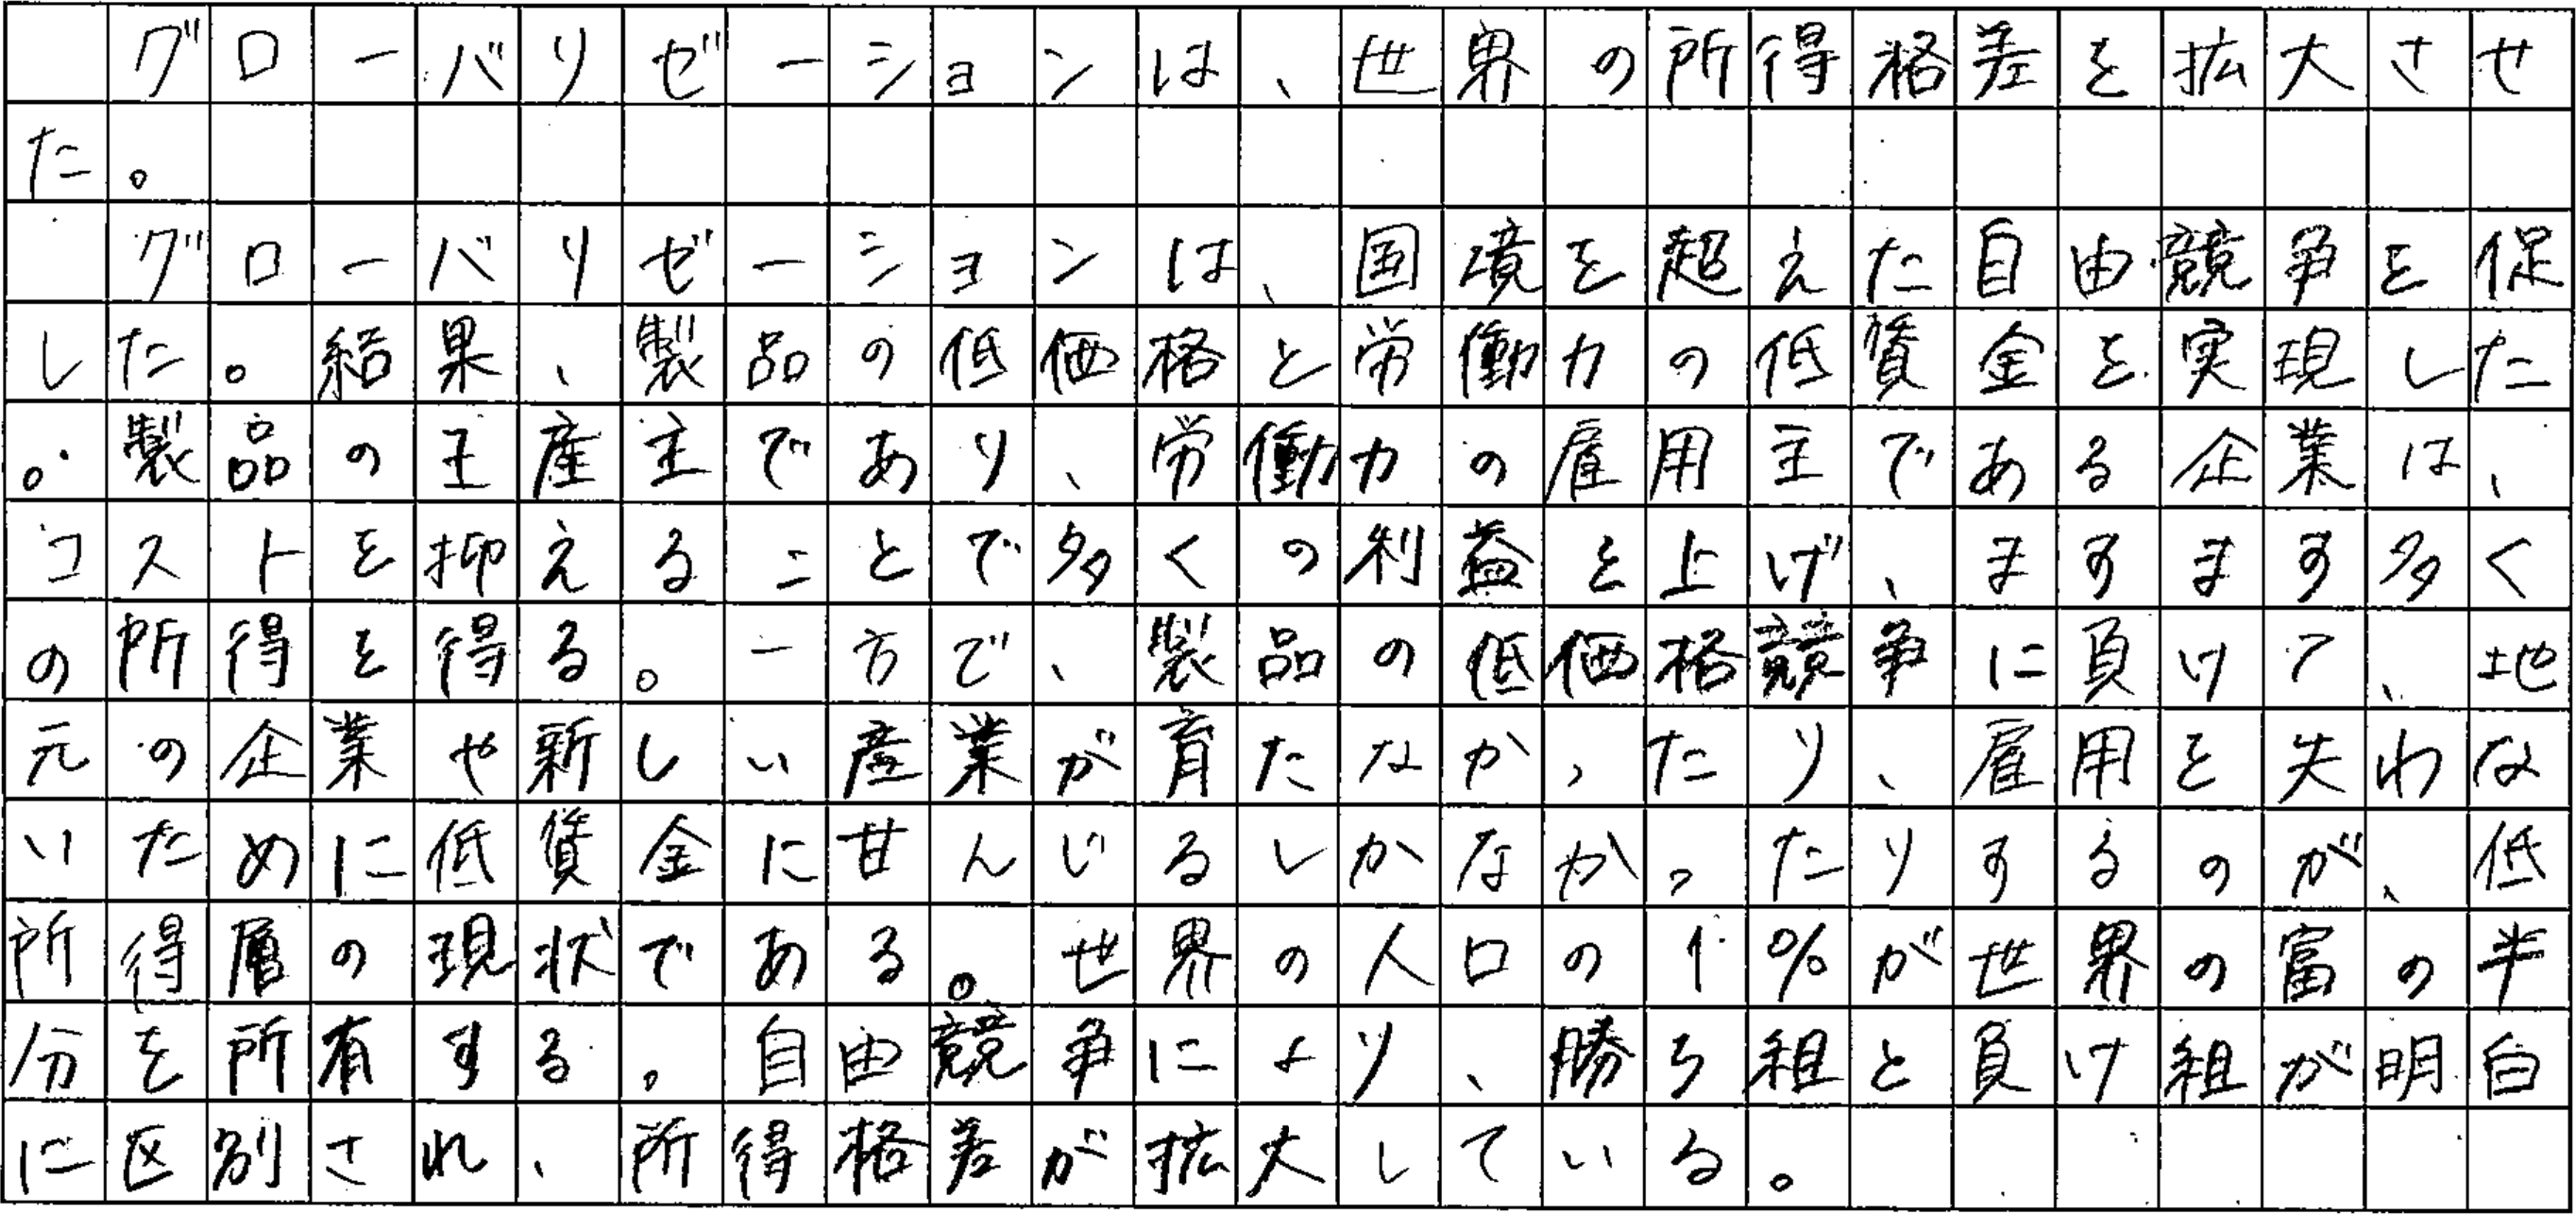　グローバリゼーションは、世界の所得格差を拡大させた。
　グローバリゼーションは、国境を超えた自由競争を促した。結果、製品の低価格と労働力の低賃金を実現した。製品の生産主であり、労働力の雇用主である企業は、コストを抑えることで多くの利益を上げ、ますます多くの所得を得る。一方で、製品の低価格競争に負けて、地元の企業や新しい産業が育たなかったり、雇用を失わないために低賃金に甘んじるしかなかったりするのが、低所得層の現状である。世界の人口の１％が世界の富の半分を所有する。自由競争により、勝ち組と負け組が明白に区別され、所得格差が拡大している。
